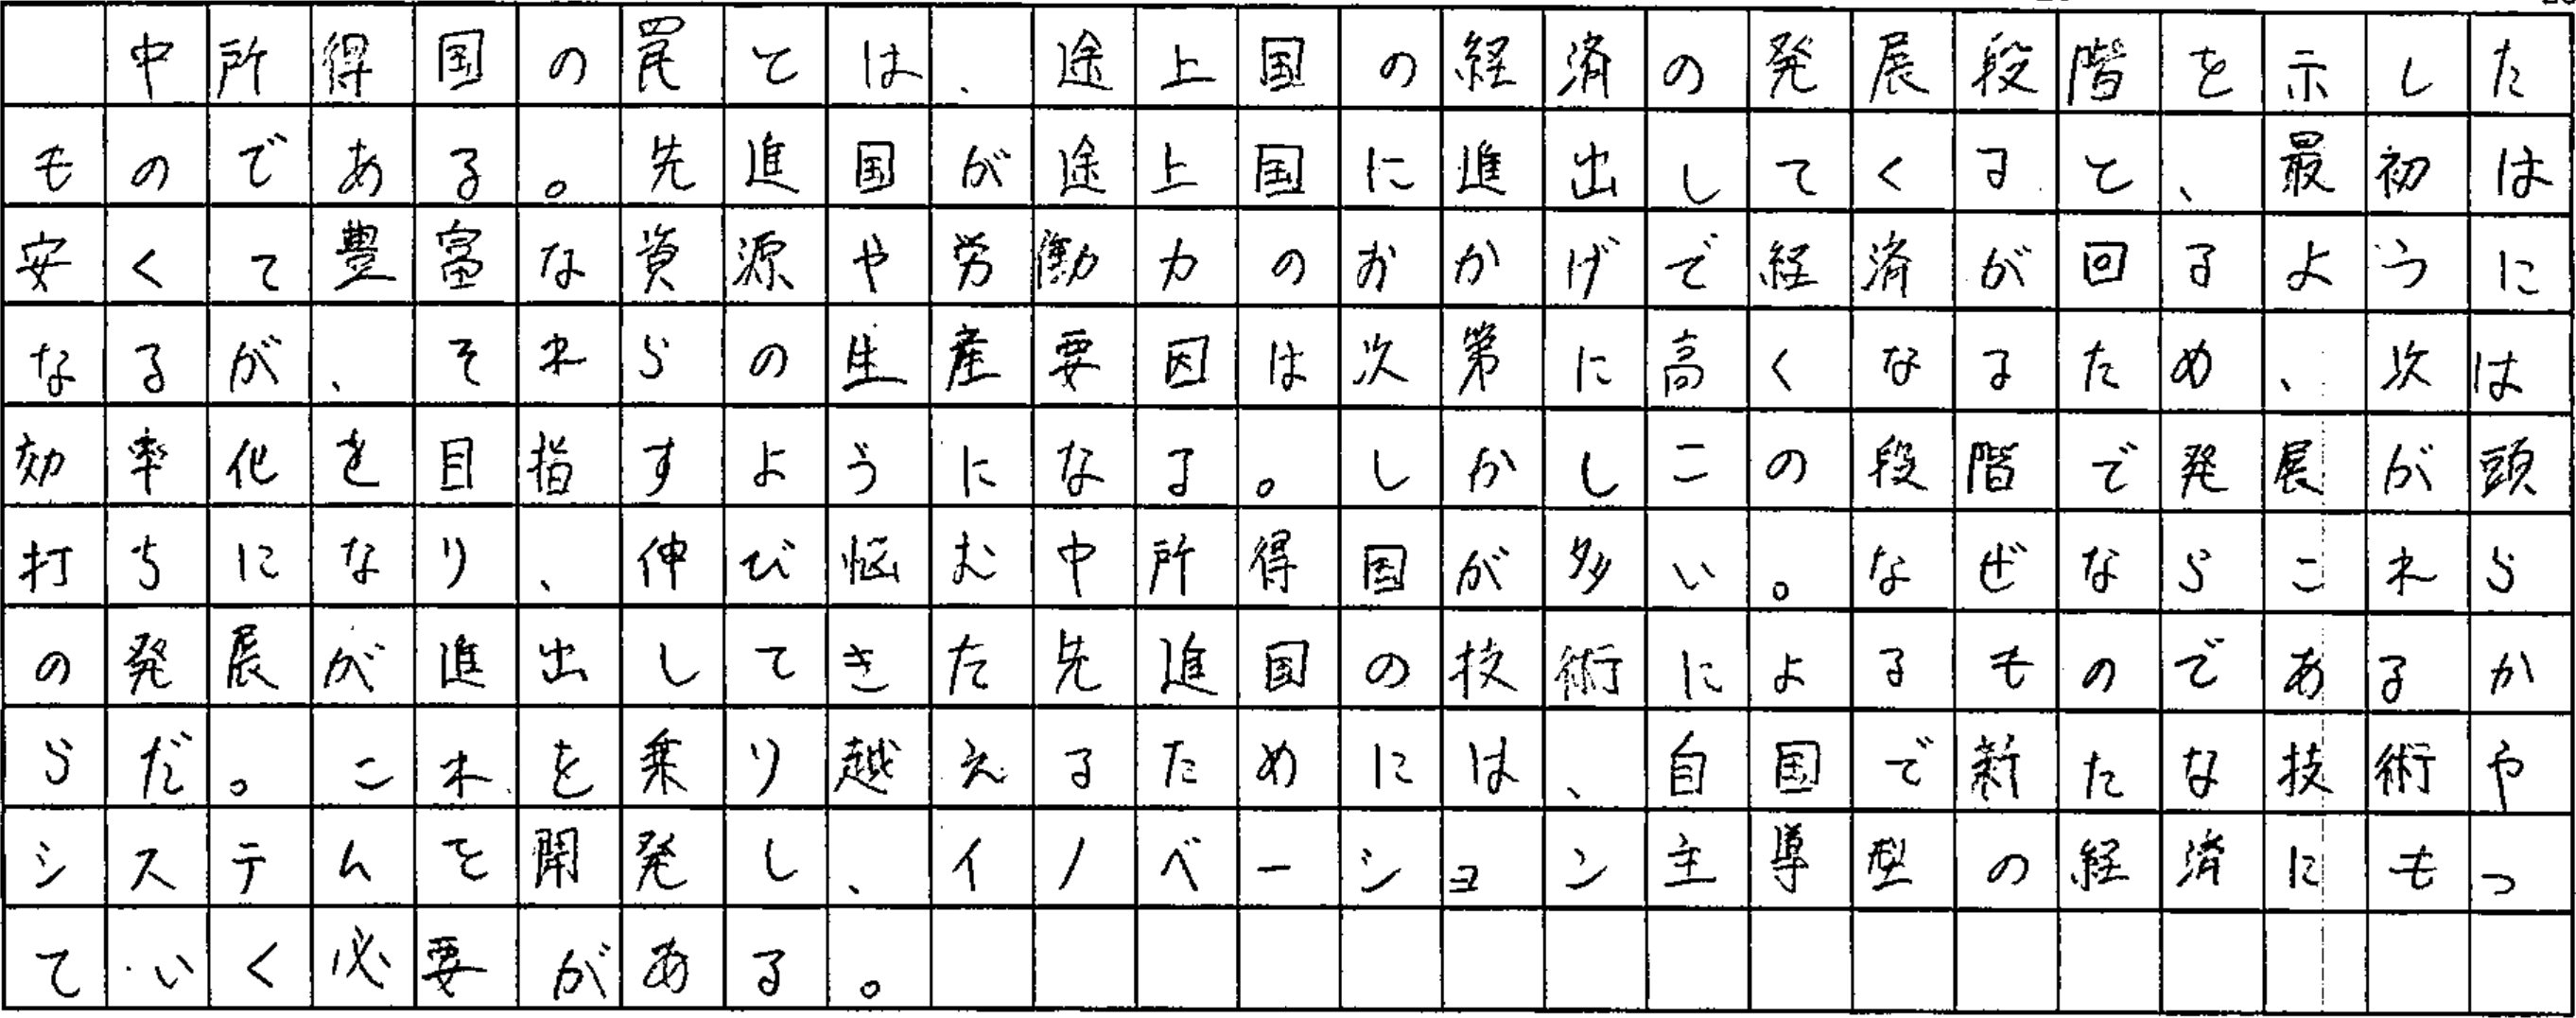　中所得国の罠とは、途上国の経済の発展段階を示したものである。先進国が途上国に進出してくると、最初は安くて豊富な資源や労働力のおかげで経済が回るようになるが、それらの生産要因は次第に高くなるため、次は効率化を目指すようになる。しかしこの段階で発展が頭打ちになり、伸び悩む中所得国が多い。なぜならこれらの発展が進出してきた先進国の技術によるものであるからだ。これを乗り越えるためには、自国で新たな技術やシステムを開発し、イノベーション主導型の経済にもっていく必要がある。
